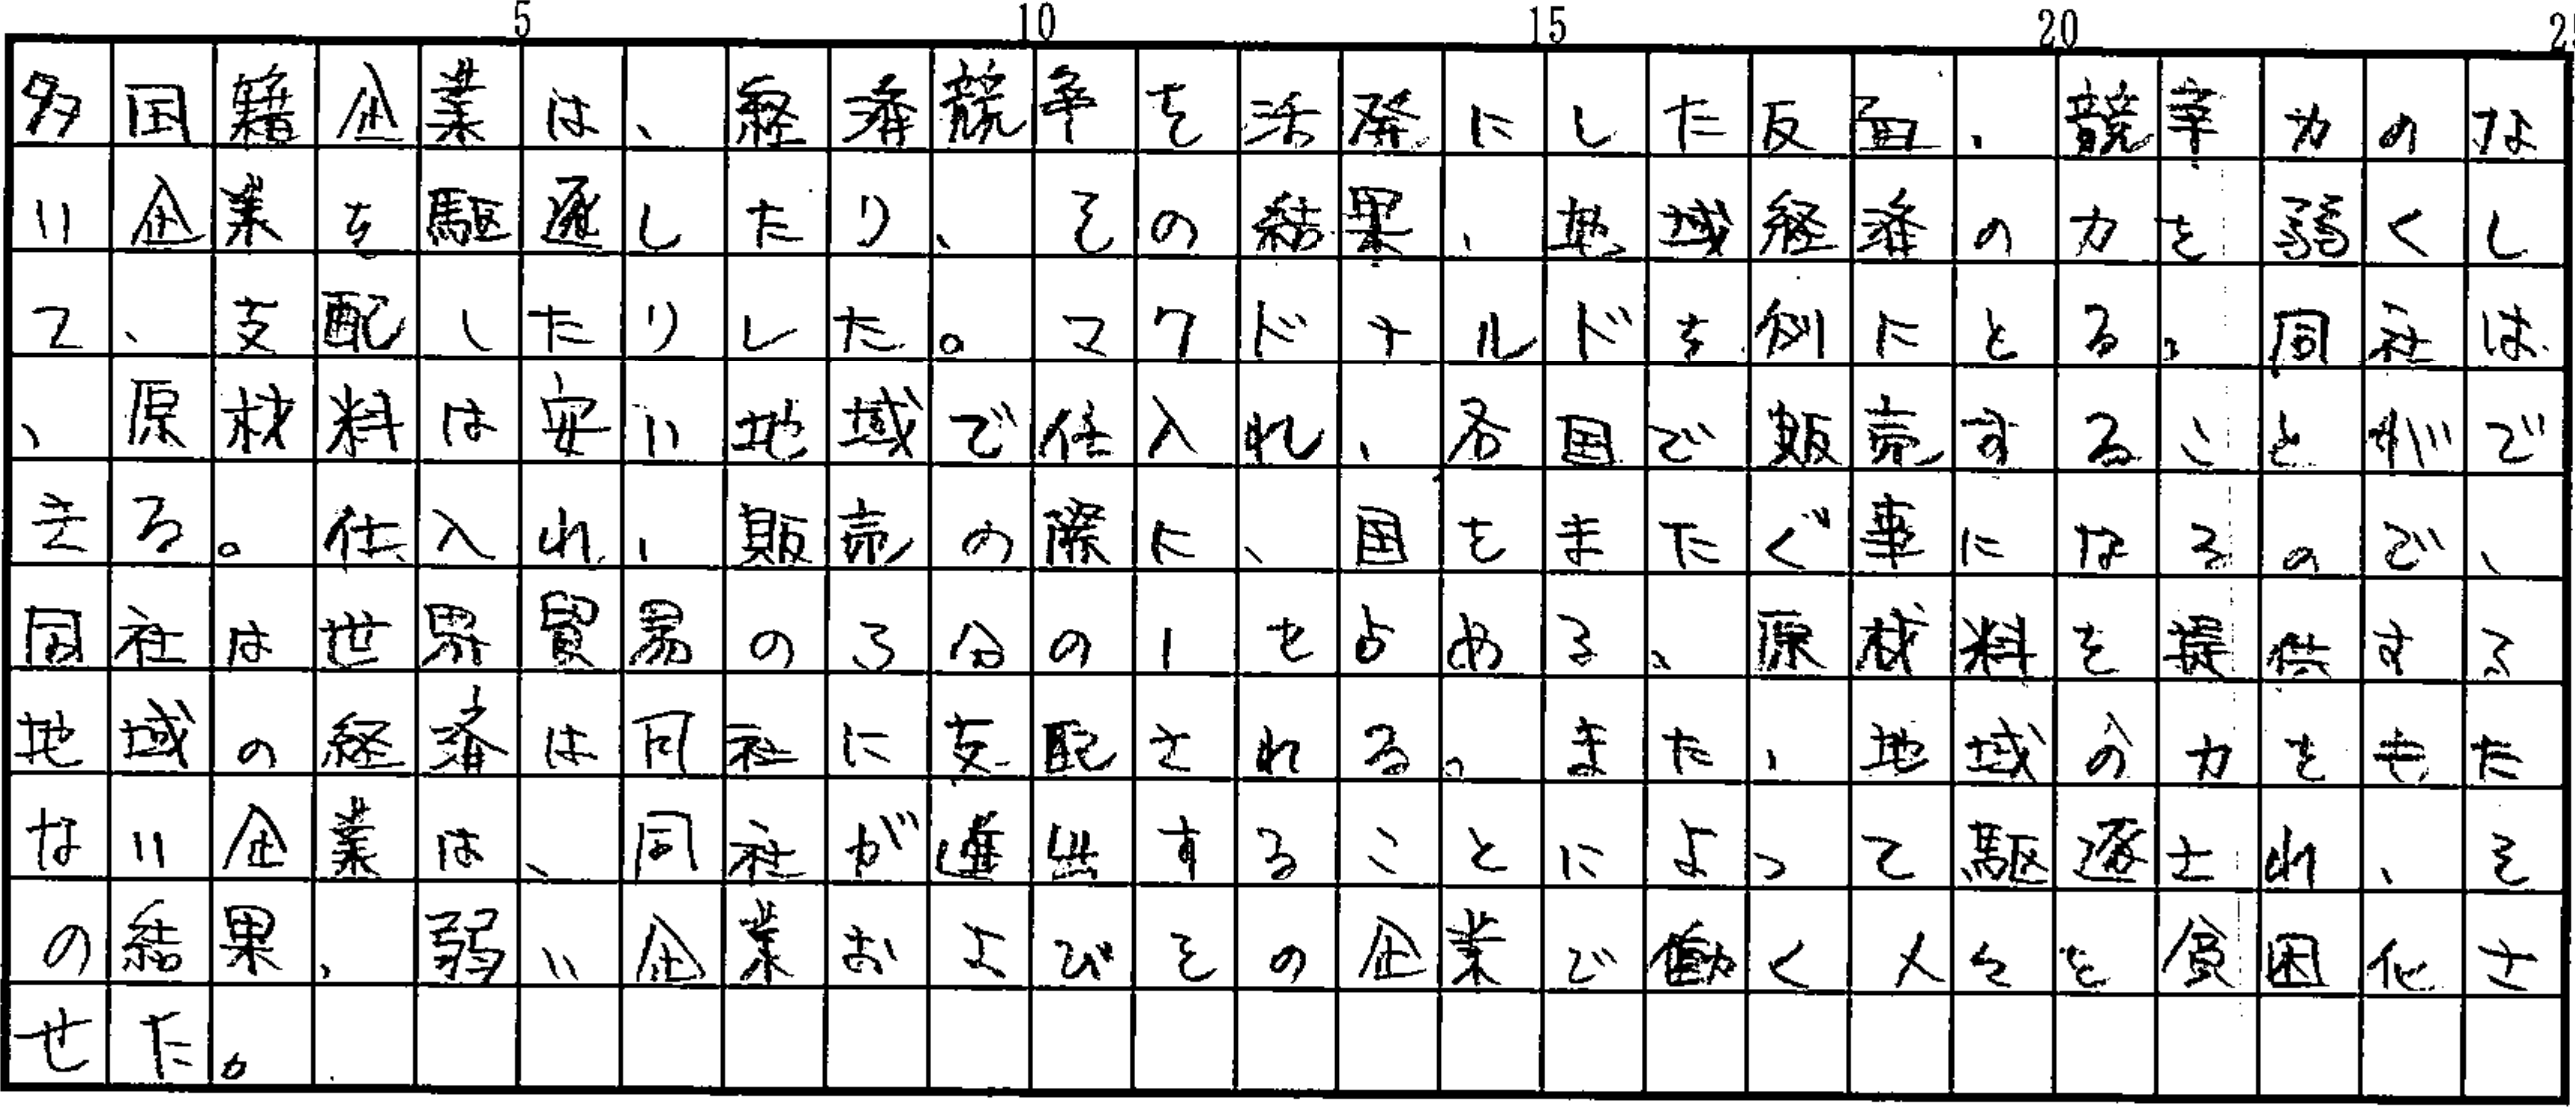多国籍企業は、経済競争を活発にした反面、競争力のない企業を駆逐したり、その結果、地域経済の力を弱くして、支配したりした。マクドナルドを例にとる。同社は、原材料は安い地域で仕入れ、各国で販売することができる。仕入れ、販売の際に、国をまたぐ事になるので、同社は世界貿易の３分の１を占める。原材料を提供する地域の経済は同社に支配される。また、地域の力をもたない企業は、同社が進出することによって駆逐され、その結果、弱い企業およびその企業で働く人々を貧困化させた。
